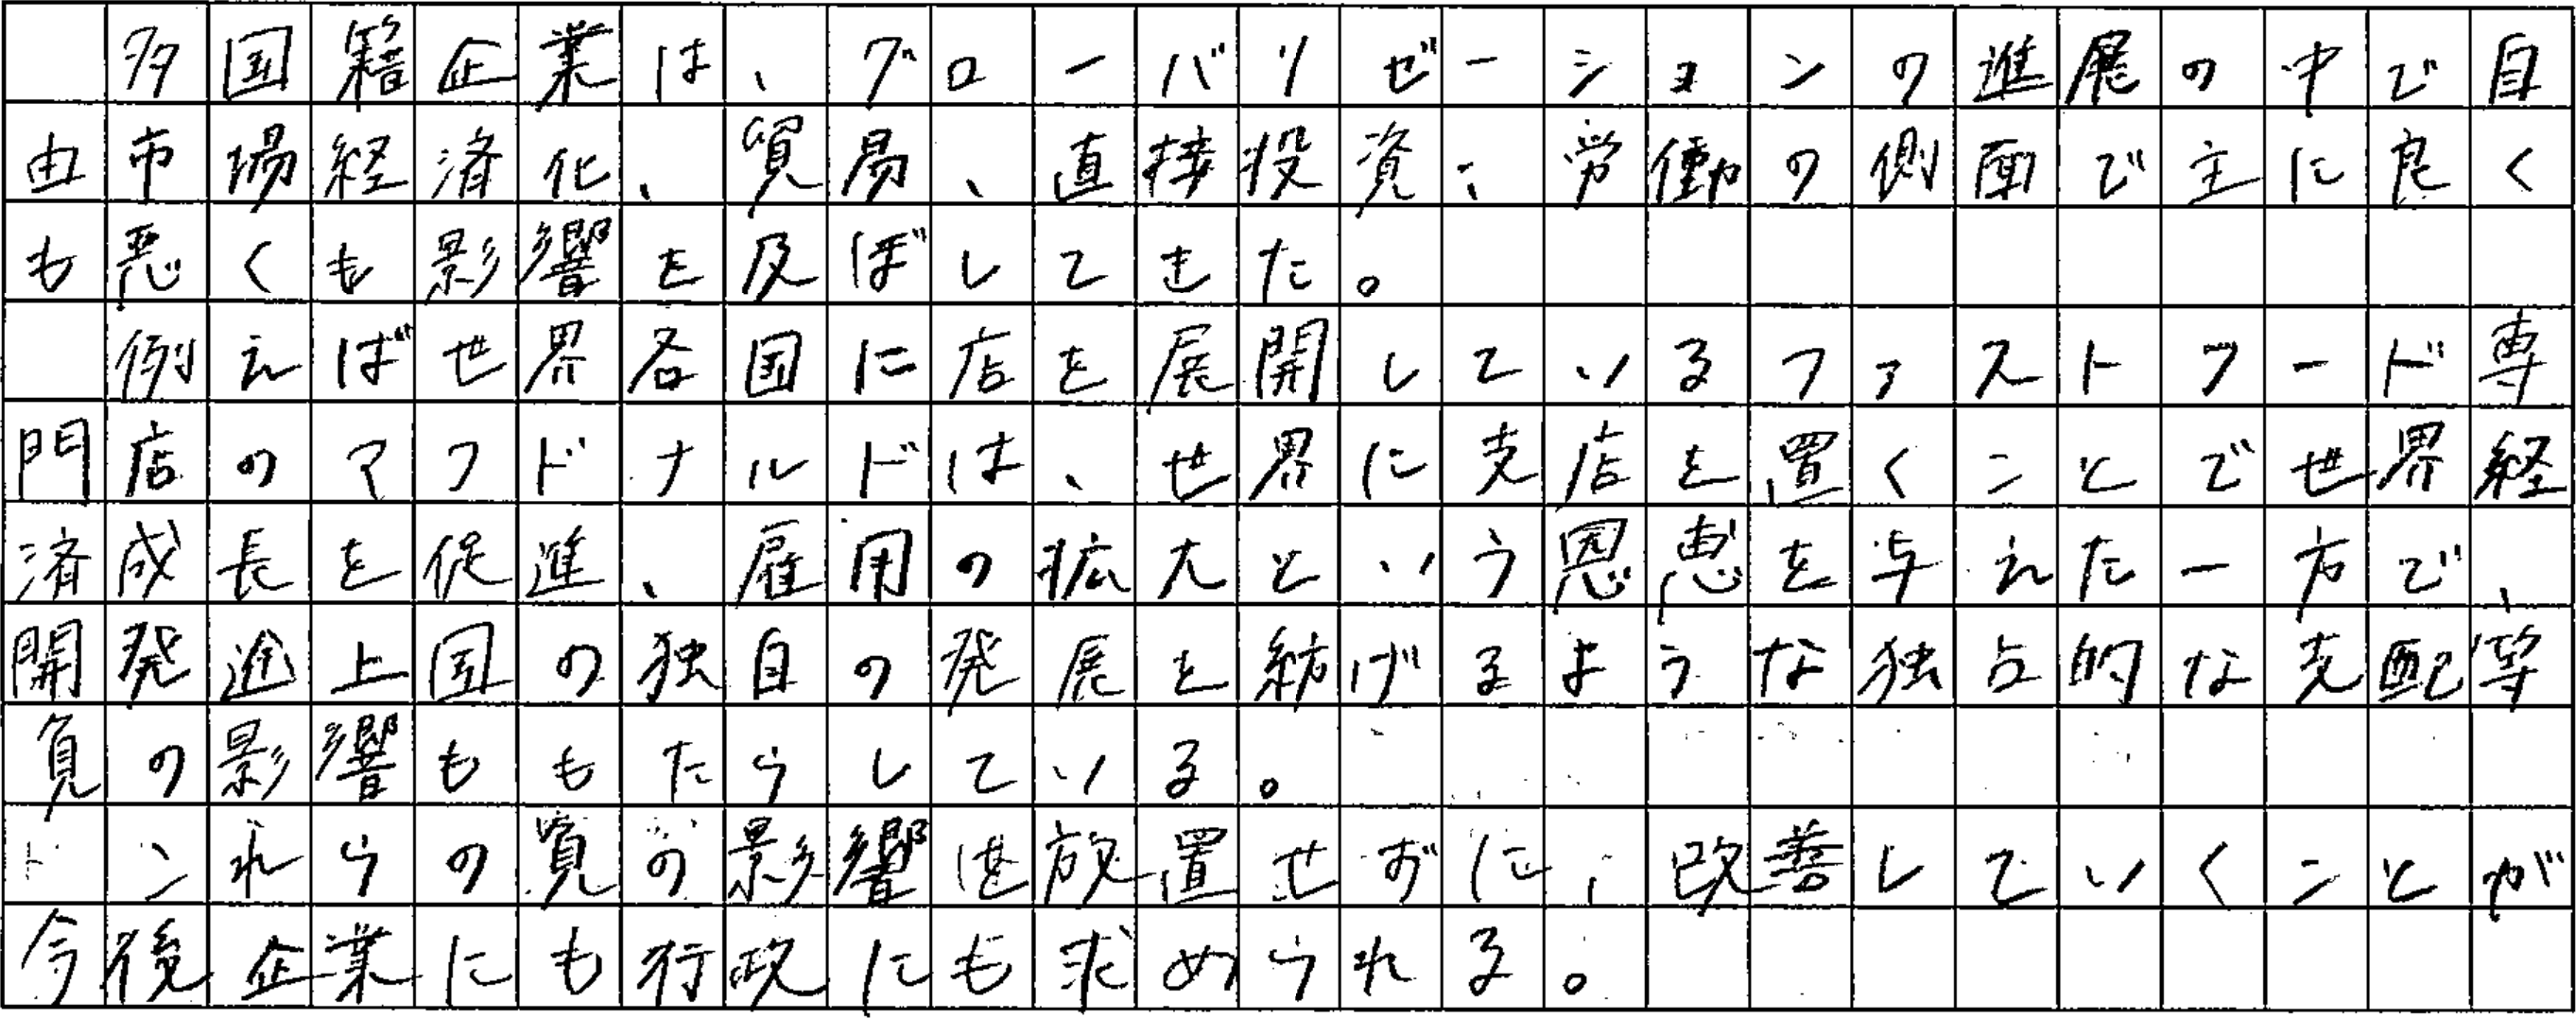　多国籍企業は、グローバリゼーションの進展の中で自由市場経済化、貿易、直接投▁、労働の側面で主に良くも悪くも影響を及ぼしてきた。
　例えば世界各国に店を展開しているファストフード専門店のマクドナルドは、世界に支店を置くことで世界経済成長を促進、雇用の拡大という恩▁を与えた一方で、開発途上国の独自の発▁を紡げるような独占的な支配等▁の影響ももたらしている。
　これらの▁の影響を放置せずに、改善していくことが今後企業にも行政にも求められる。
